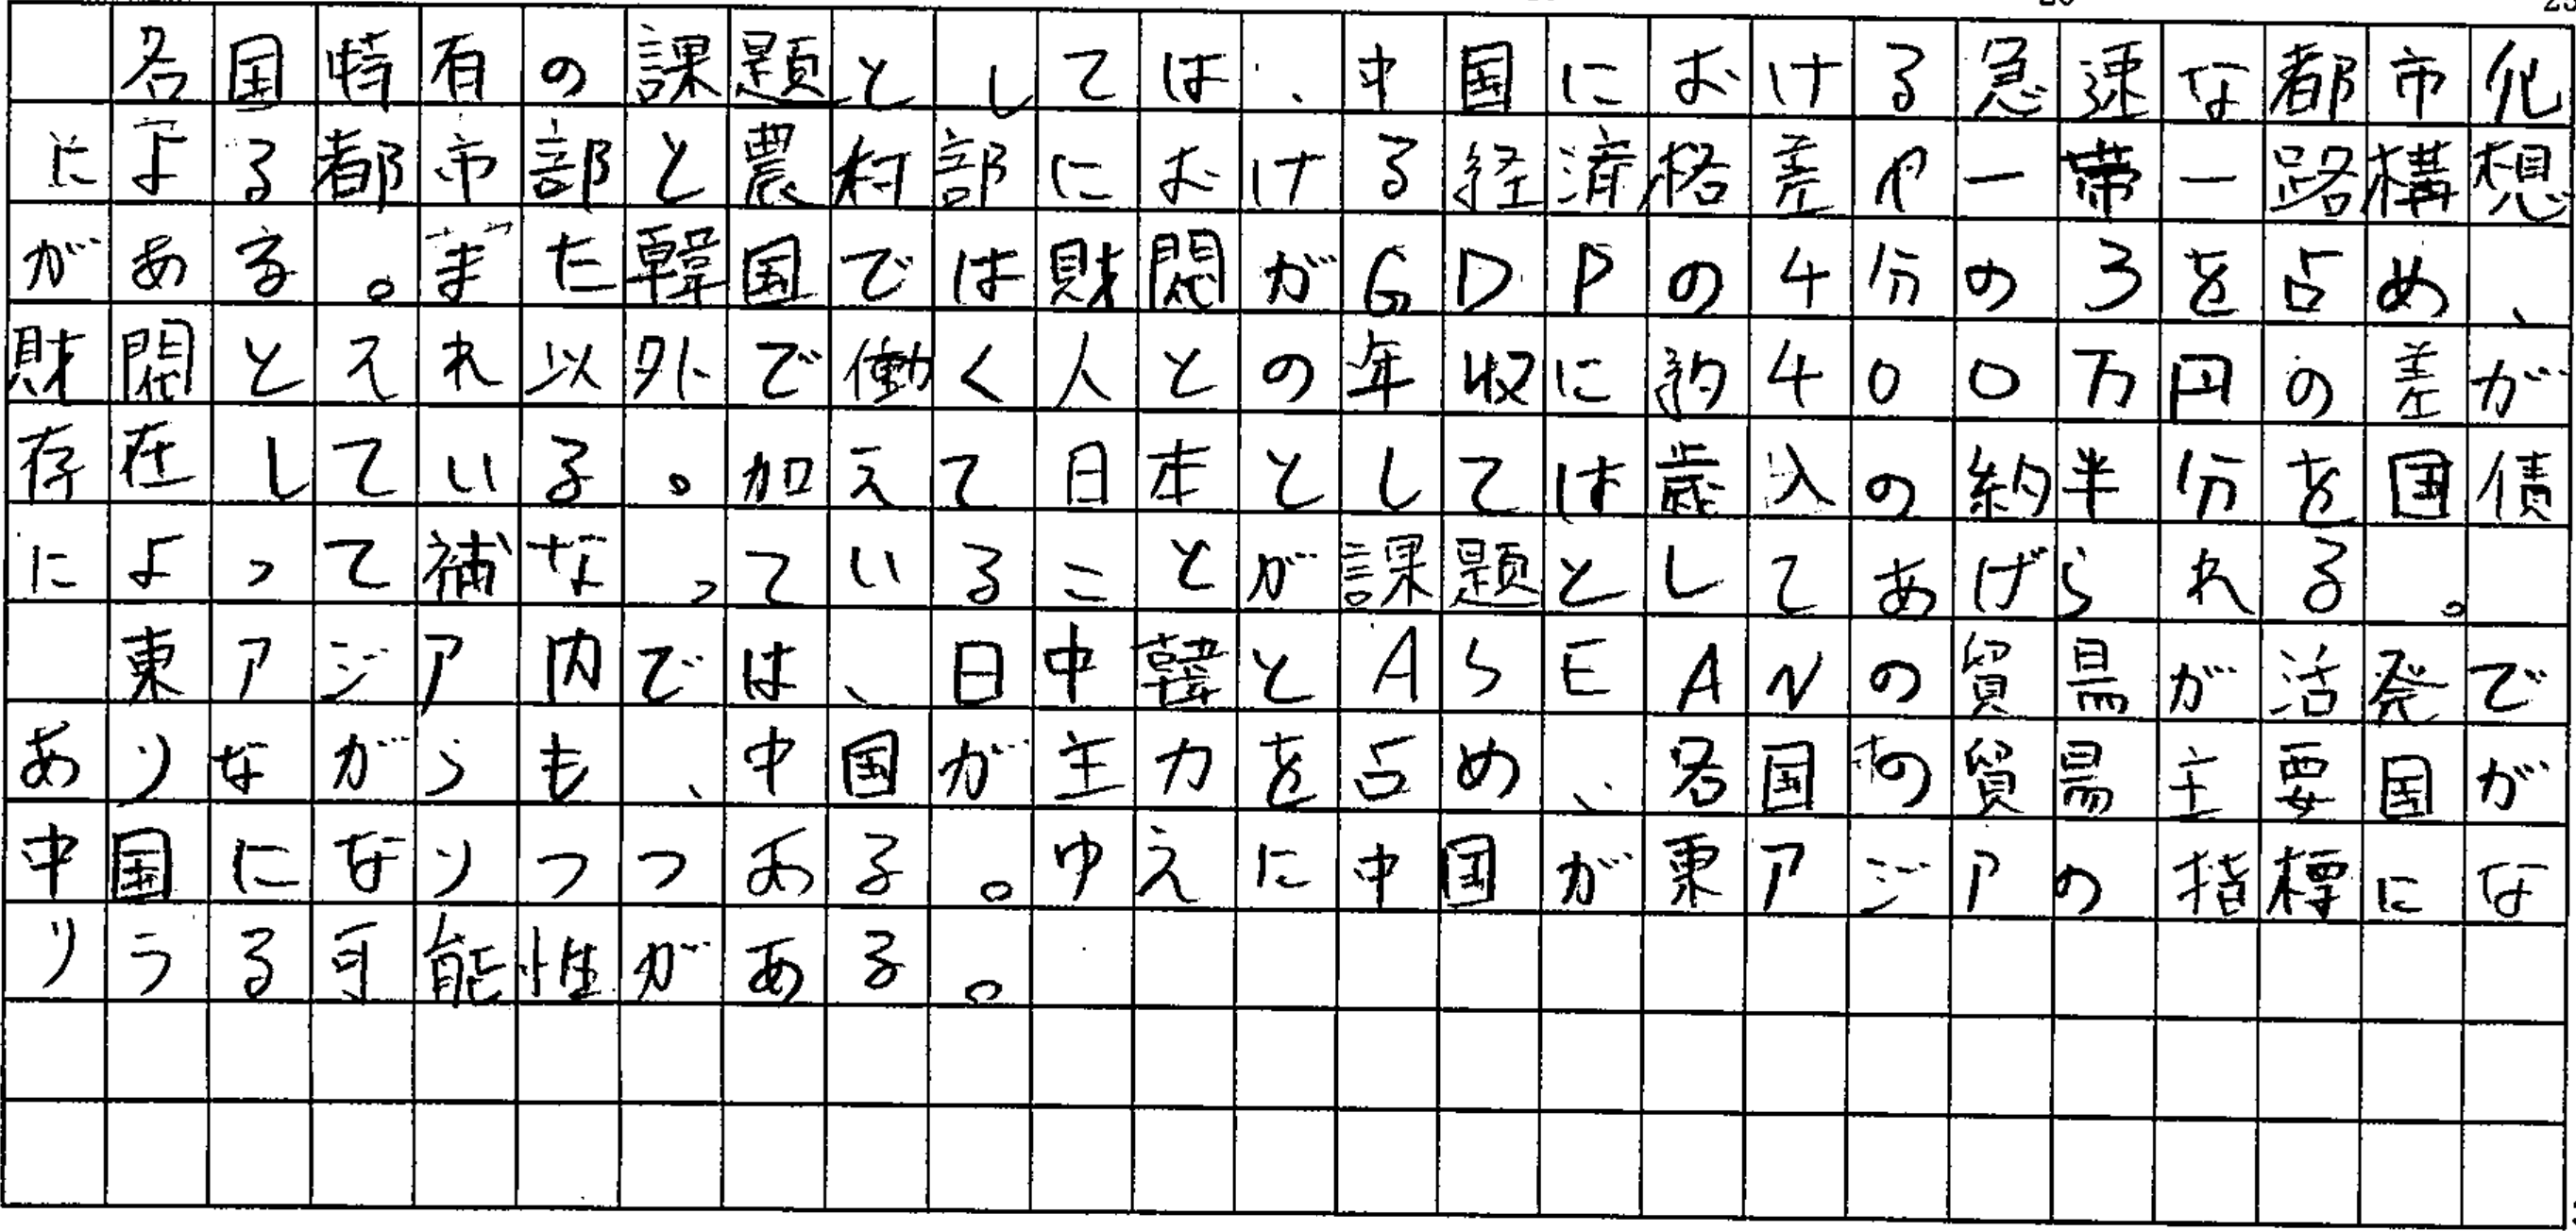　各国特有の課題としては、中国における急速な都市化による都市部と農村部における経済格差や一帯一路構想がある。また韓国では財▁がＧＤＰの４分の３を占め、財▁とそれ以外で働く人との年収に約４００万円の差が存在している。加えて日本としては歳入の約半分を国債によって補なっていることが課題としてあげられる。
　東アジア内では、日中韓とＡＳＥＡＮの貿昜が活発でありながらも、中国が主力を占め、各国の貿昜主要国が中国になりつつある。ゆえに中国が東アジアの指標になりうる可能性がある。
